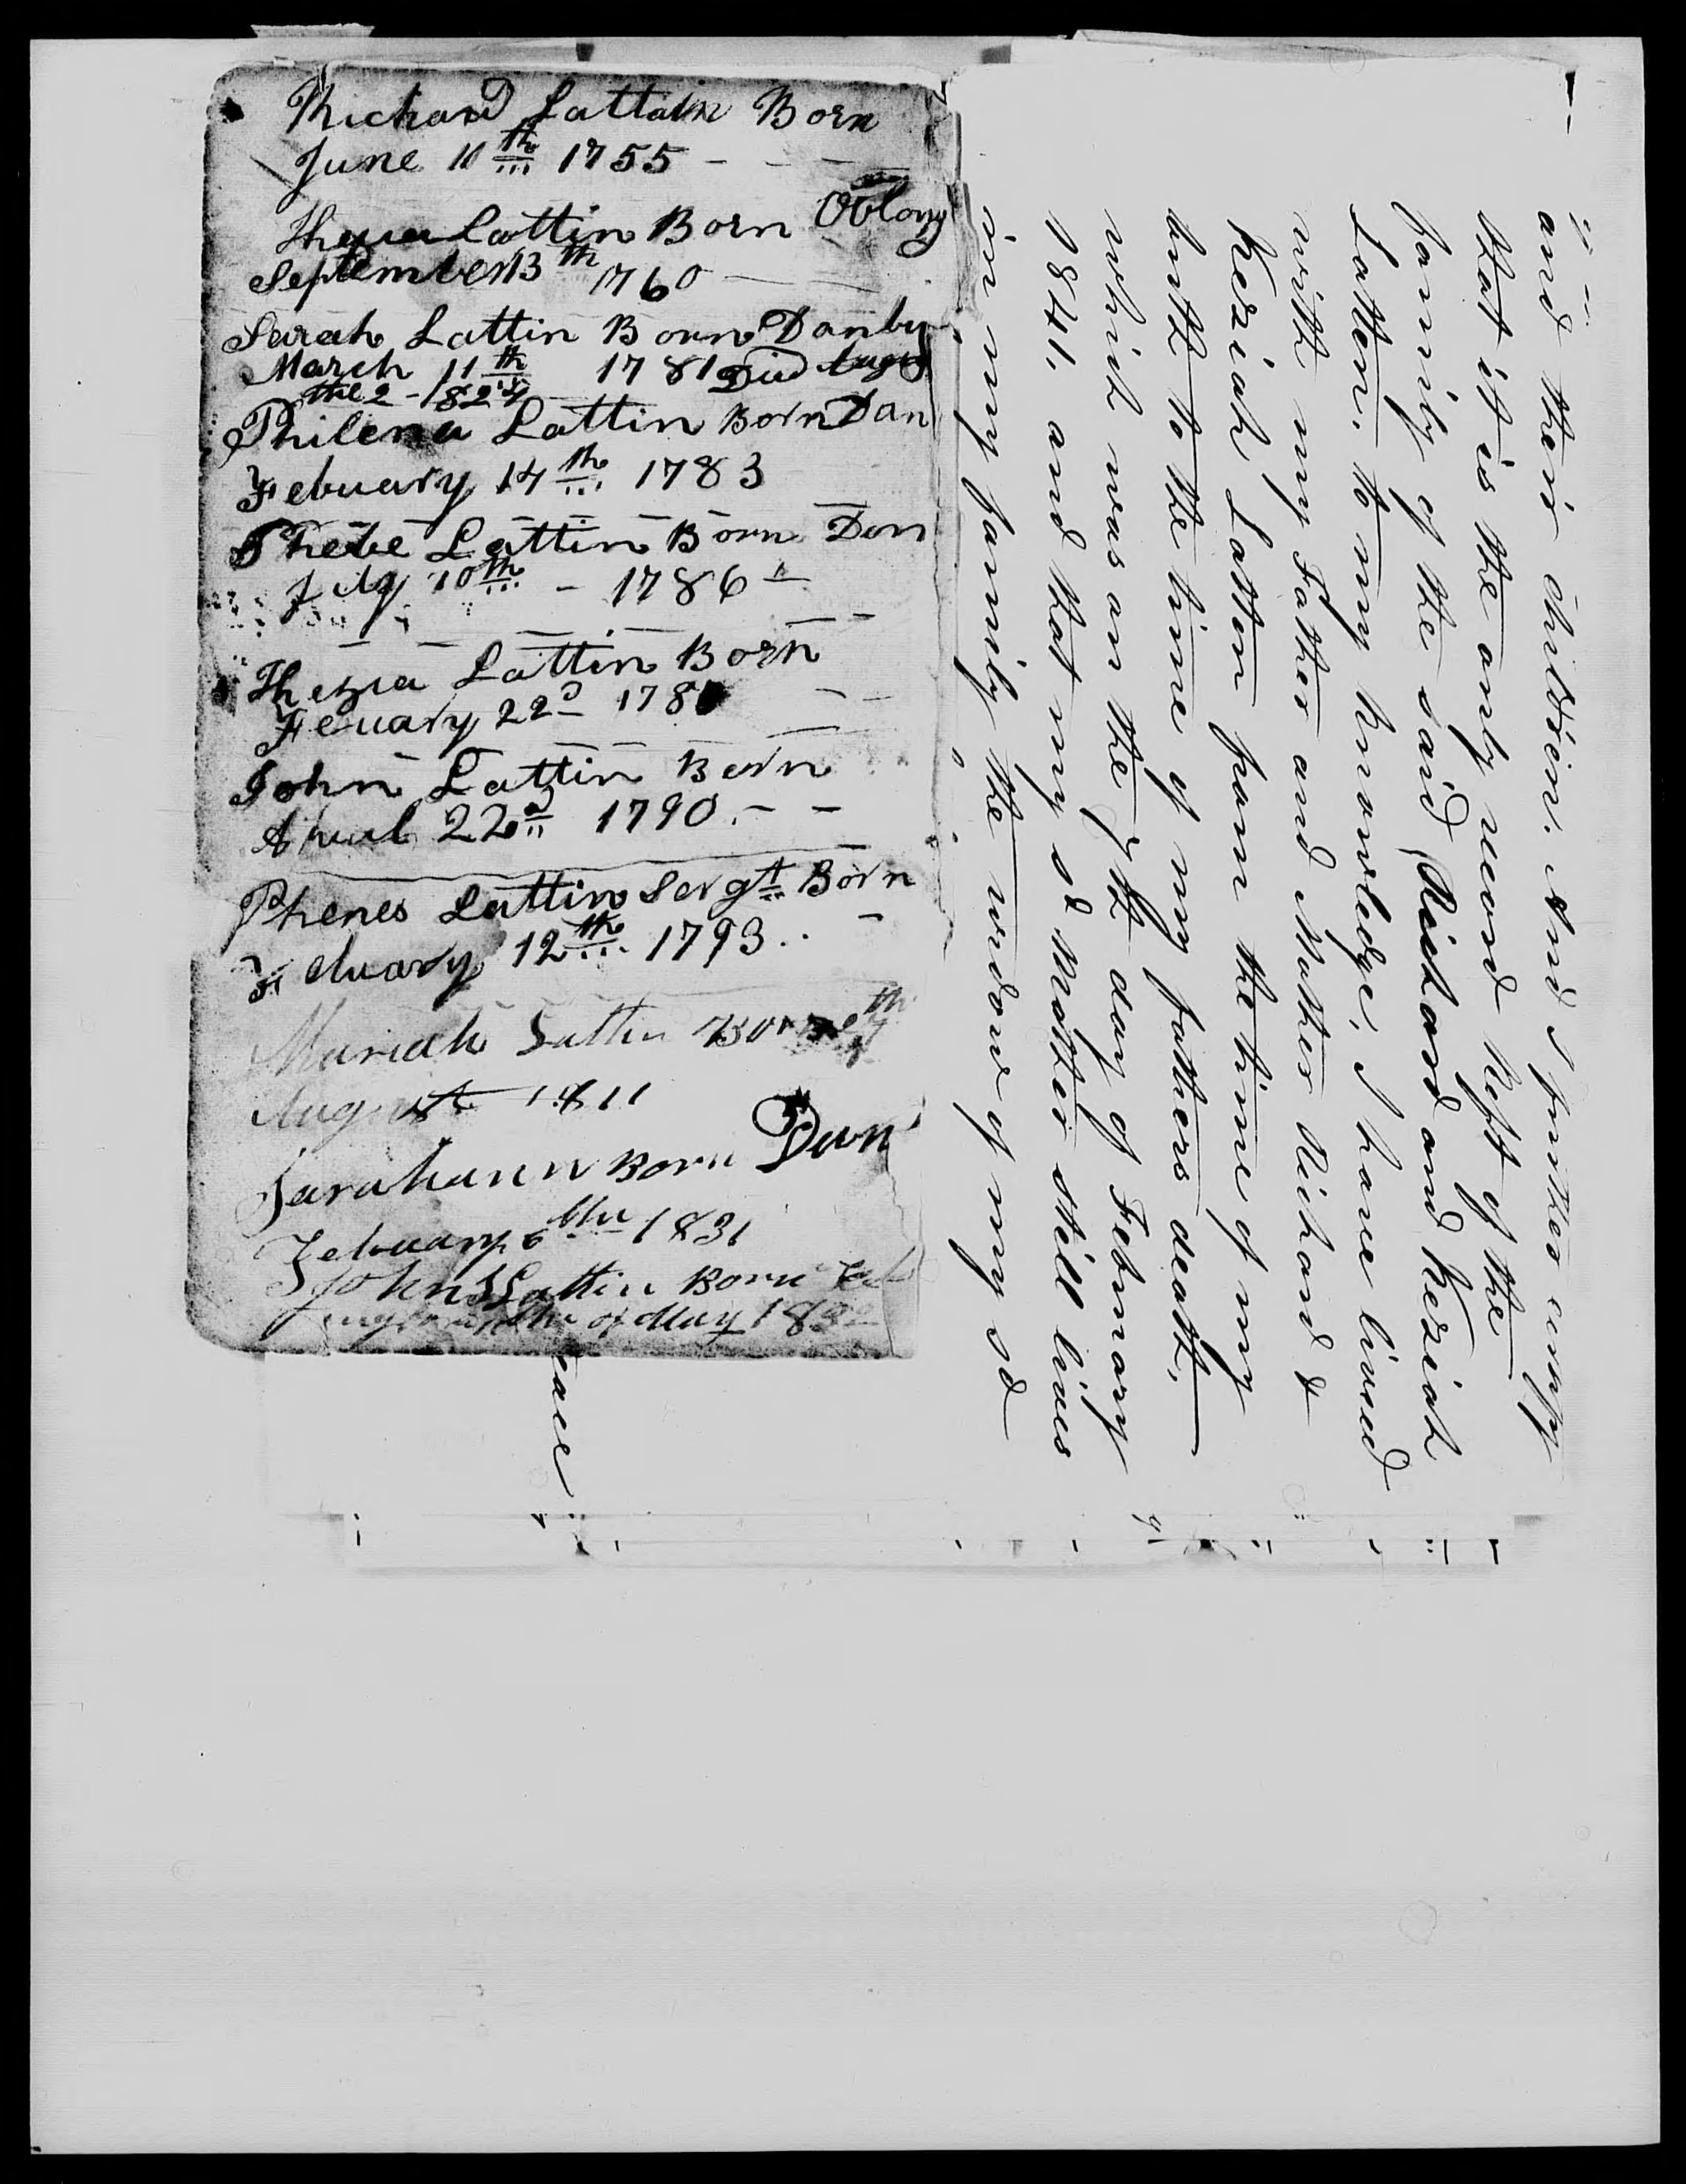Richard Lattin Born June 10th 1755

[Thema] Lattin Born [Oblony-Albany?] September 5th 1760

Sarah Lattin Born Danby March 11th 1781, Died August the 2 1824

Philena Lattin Born Dan[by] Febuary 14th 1783

Phebe Lattin Born on July 10th 1786

Kezia Lattin Born Febuary 22d 178[8]

John Lattin Born Apl 22nd 1790

Phenes Lattin Sergt Born May 12th 1793

Mariah Lattin Born August 1811

Sarah Ann Born Dun[ham] February 6th 1831

John S. Lattin Born [tenth day] of May 1832

[vertical fragment from prior page scan]
and their children. And I further certify
that it is the only record kept of the
family of the said Richard and Keziah
Lattin, to my knowledge. I have lived
with my Father and Mother Richard &
Keziah Lattin from the time of my
birth to the time of my father’s death,
which was on the 7th day of February
1841, and that my s’d mother still lives
in my family the widow of my s’d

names: Kezia Lattin; Sarah Lattin; Keziah Lattin; Richard Lattin; Mariah Lattin; Philena Lattin; John Lattin; Sarah Ann [BLANK]; Phebe Lattin; Theresa Lattin; Richard Lattan; Phenes Lattin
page: 23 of 99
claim: widow's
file: W. 24,482, for Richard Lattin, Vermont